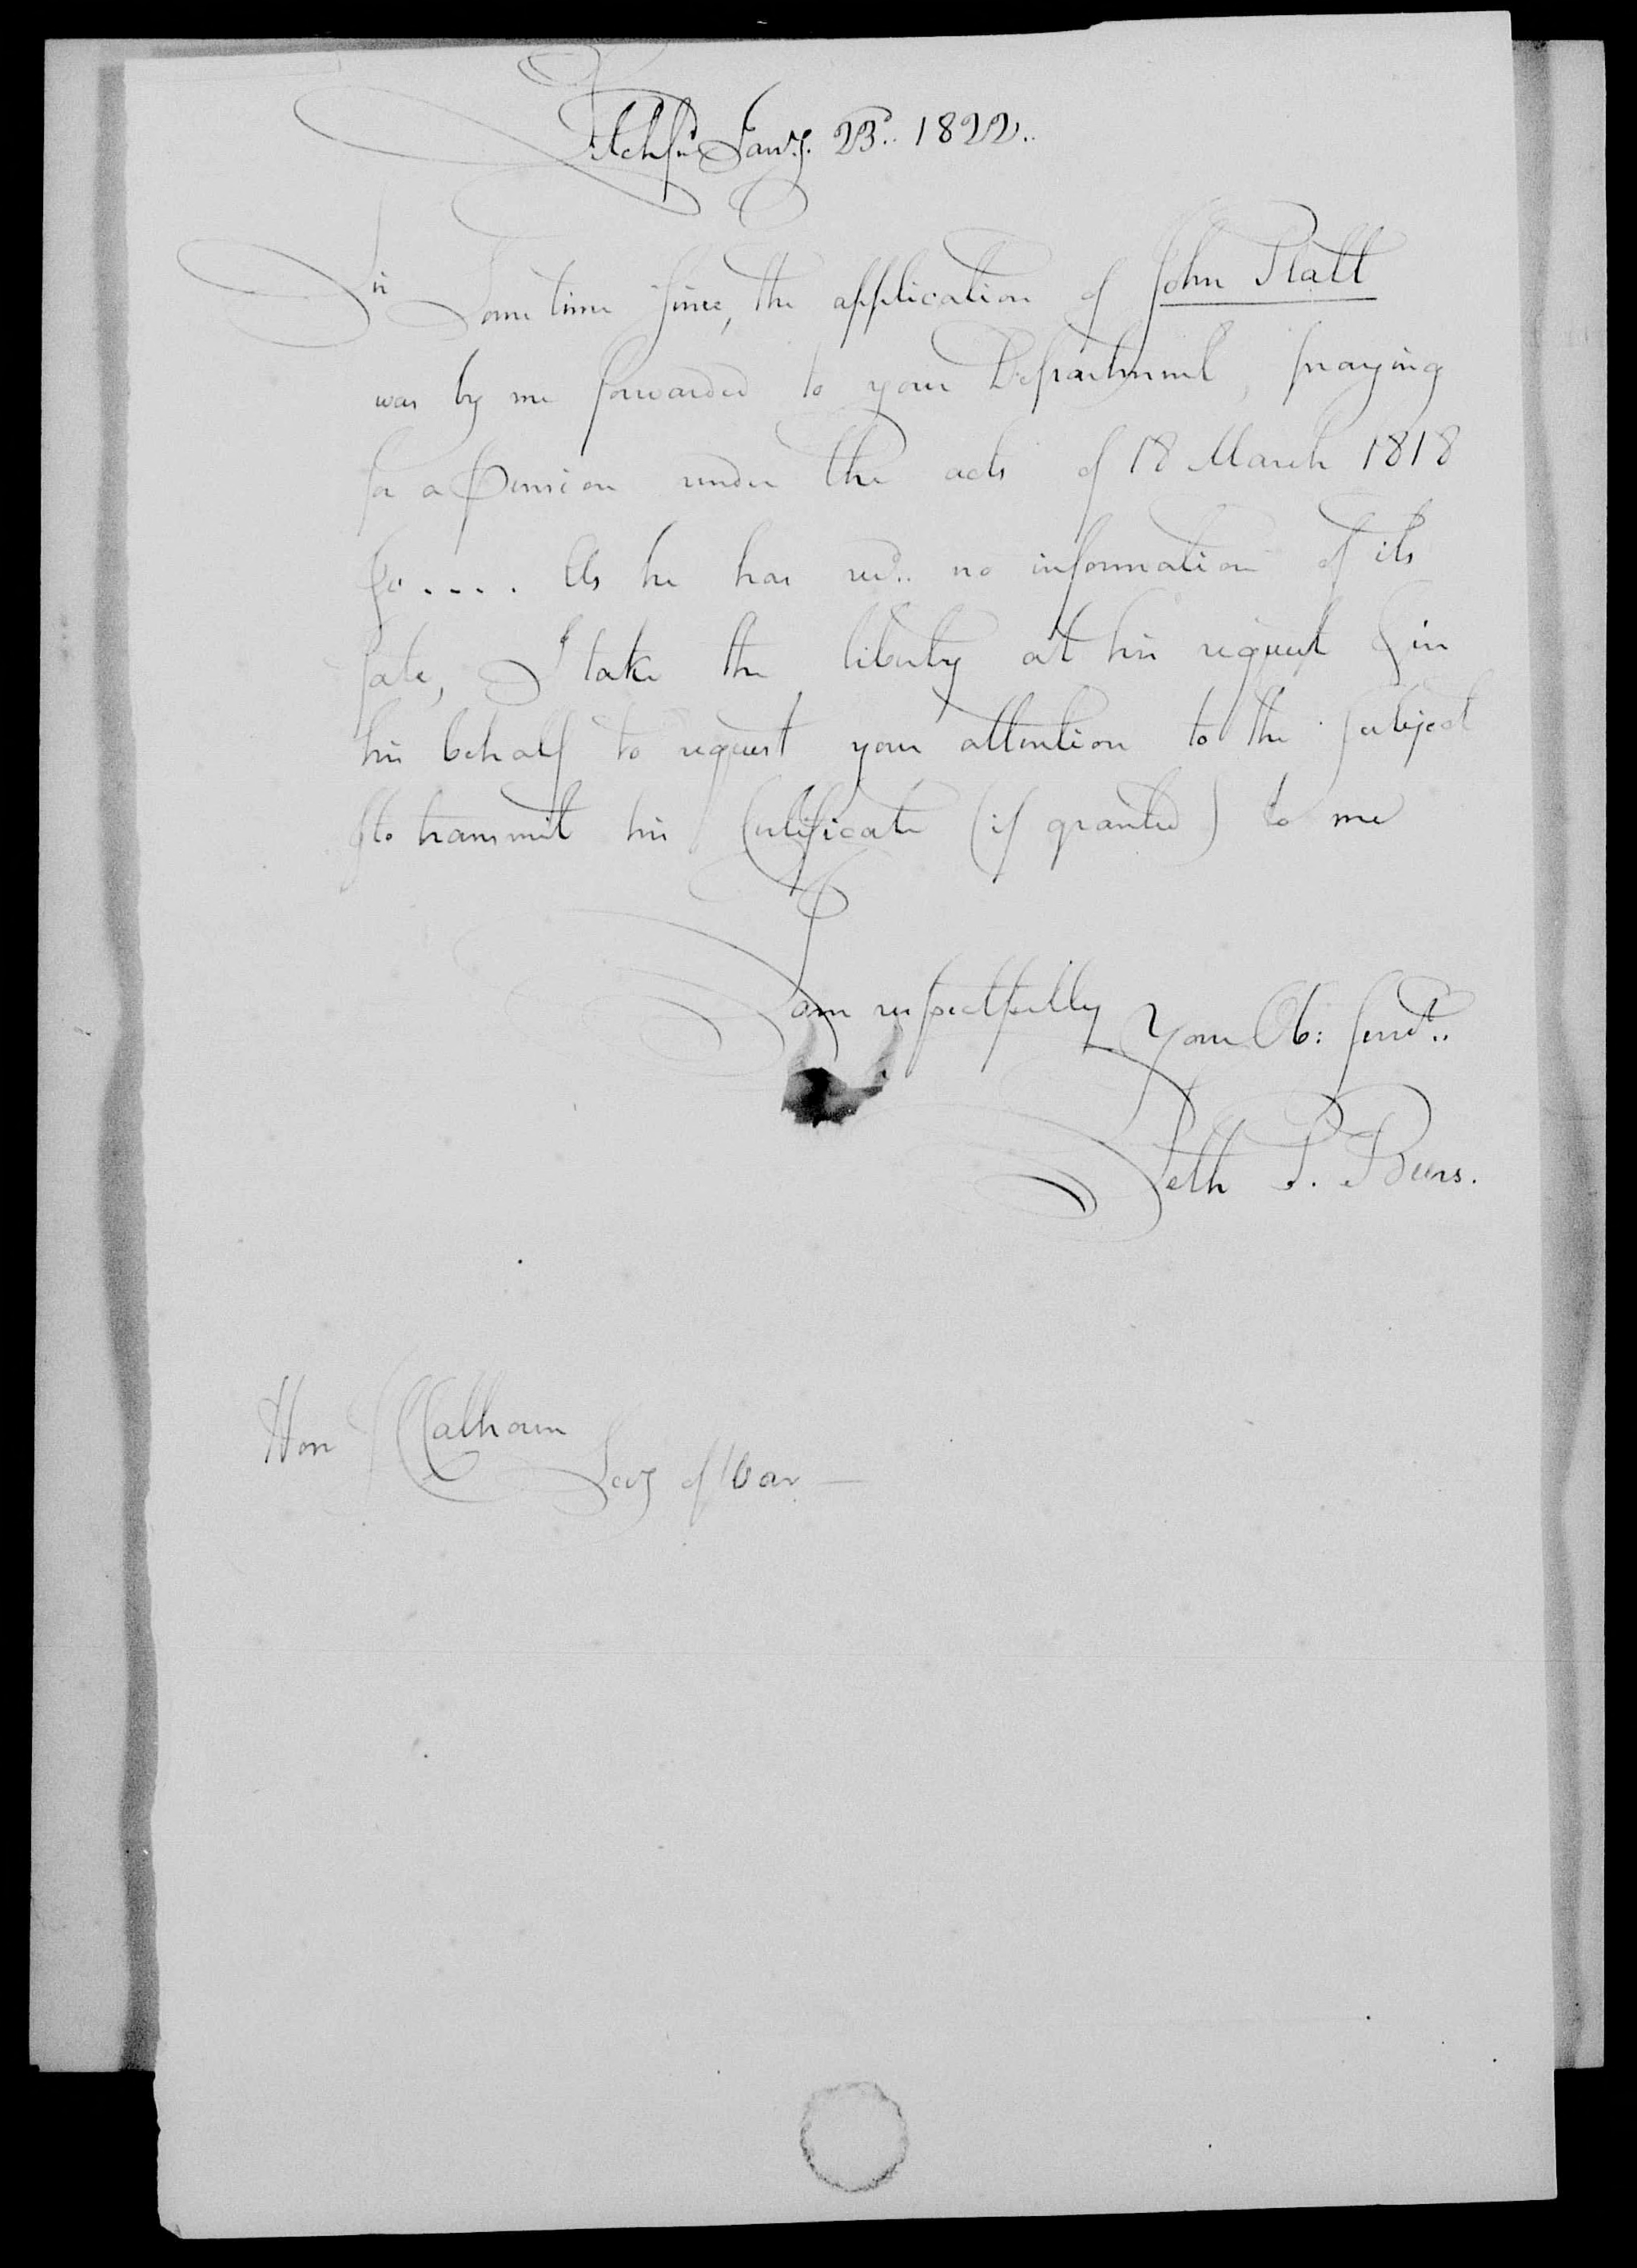Litchfield Jan.y. 23 . 1822
Sir
Some time since, the application
John Platt
was by me forwarded to your department
praying
for a pension under the act of 18 March 1818
[illegible] as he recd no information of its
fate I take the liberty at his request & in
his behalf to request your attention to the subject
& to transmit his Certificate (if granted}
of me
I am respectfully 
your Ob: servt
Seth P. Beers.
Hon J C Calhoun
Secy of War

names: John Platt; Seth P Beers; J C Calhoun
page: 12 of 12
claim: survivor's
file: S. 36,233, for John Platt, Connecticut